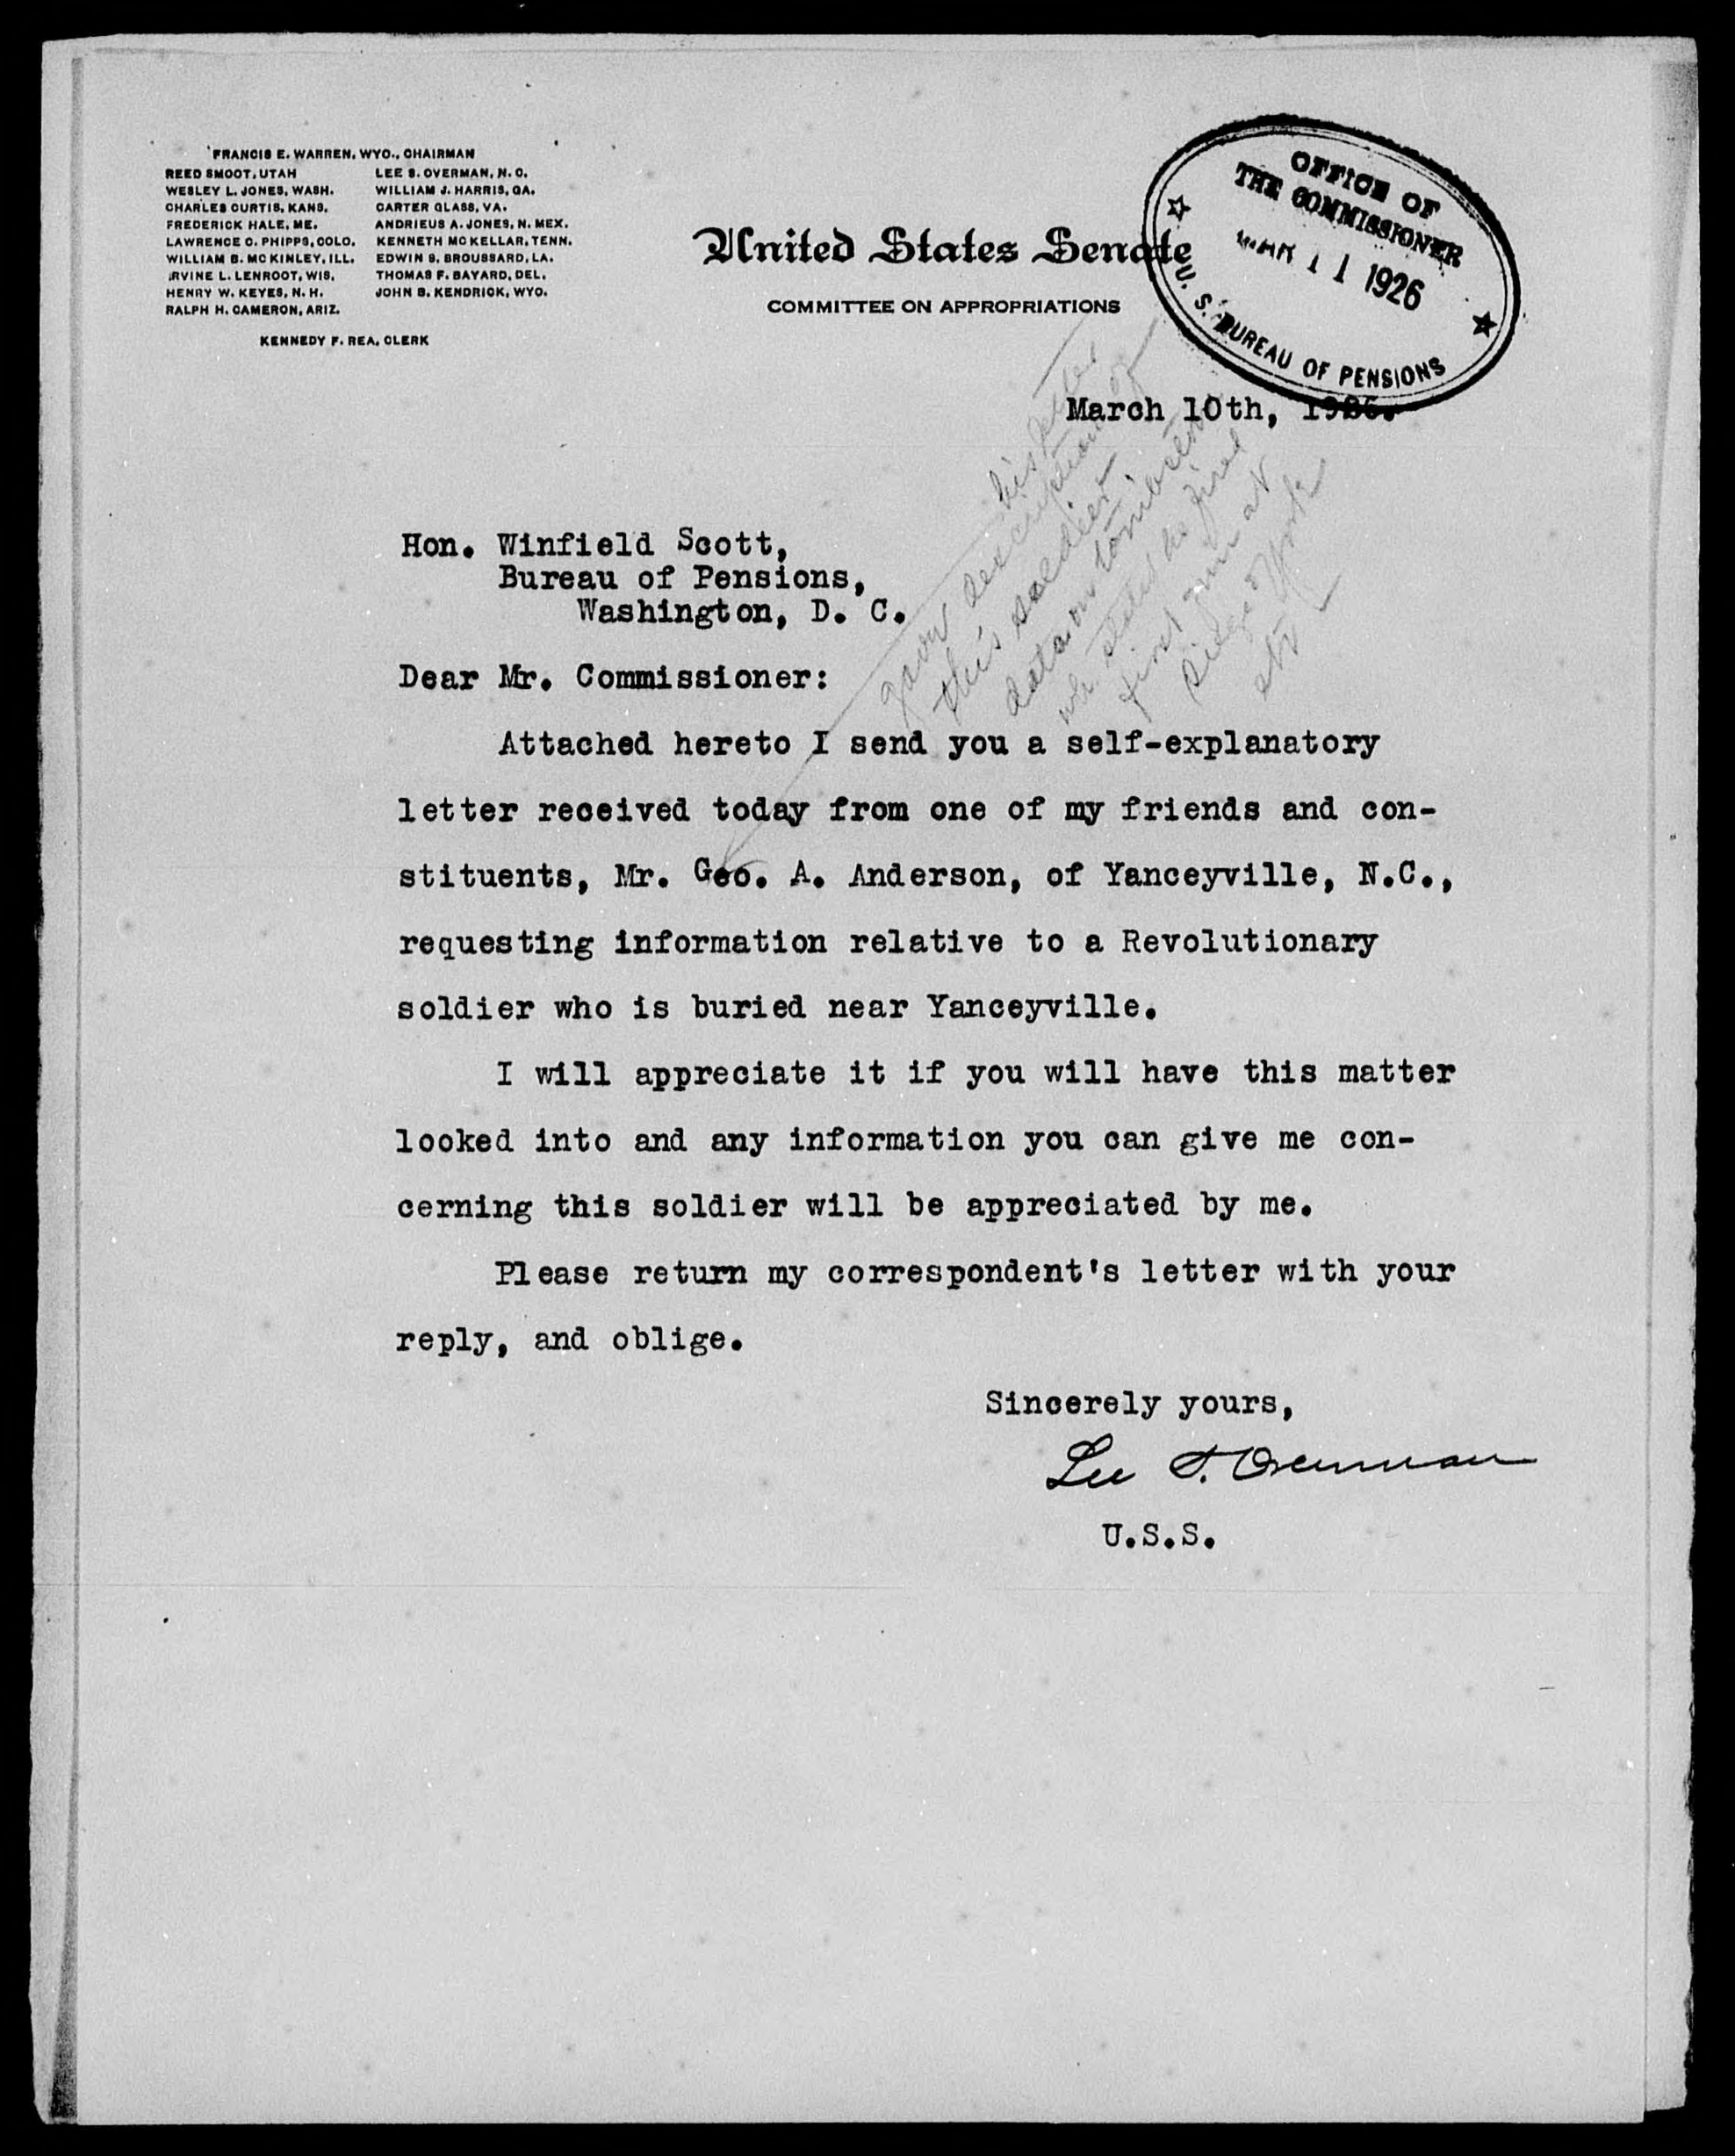FRANCIS E. WARREN WYO. CHAIRMAN 
REED SMOOT UTAH 
WESLEY L. JONES, WASH. 
CHARLES CURTIS, KANS. 
FREDERICK HALE, ME. 
LAWRENCE O. PHIPPS, COLO. 
WILLIAM S. MCKINLEY, ILL. 
IRVINE L. LENROOT, WIS. 
HENRY W. KEYES, N. H. 
RALPH H. CAMERON, ARIZ. 
LEE D. OVERMAN, N. C. 
WILLIAM J. HARRIS, GA. 
CARTER GLASS, VA. 
ANDRIEUS A. JONES, N. MEX. 
KENNETH MCKELLAR, TENN. 
EDWIN S. BROUSSARD, LA. 
THOMAS F. BAYARD, DEL. 
JOHN S. KENDRICK WYO. 
KENNEDY F. REA, CLERK 
United States Sen 
COMMITTEE ON APPROPRIATIONS
March 10, 1928
Hon. Winfield Scott, Bureau of Pensions, Washington, D. C 
Dear Mr. Commissioner:  Attached hereto I send you a self-explanatory letter received today from one of my friends and constituents , Mr. Geo. A. Anderson, of Yanceyville, N.C., requesting information relative to a Revolutionary soldier who is buried near Yanceyville. 
I will appreciate it if you will have this matter looked into and any information you can give me concerning this soldier will be appreciated by me. 
Please return my correspondent's letter with your reply, and oblige. Sincerely yours, 
Lee S. Overman 
U. S. S.

[Margin note:]
his letter gave descriptions of this soldier.  data on tombstone wh. stated he fired first gun at siege of York etc.

[Stamp:]
OFFICE OF THE COMMISSIONER
MAR 11 1926
U. S. BUREAU OF PENSIONS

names: Ralph H Cameron, Frederick Hale, Henry W Keyes, Andrieus A Jones, William J Harris, Kennedy F Rea, Francis E Warren, Geo A Anderson, Lawrence O Phipps, William B Mc Kinley, Edwin D Broussard, Wesley L Jones, John B Kendrick, Carter Glass, Lee S Overman, Reed Smoot, Lee S Overman, Thomas F Bayard, Winfield Scott, Kenneth Mc Kellar, Irvine L Lenroot, Charles Curtis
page: 42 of 58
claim: survivor's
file: S. 6,941, Starling Gunn, Continental Va.